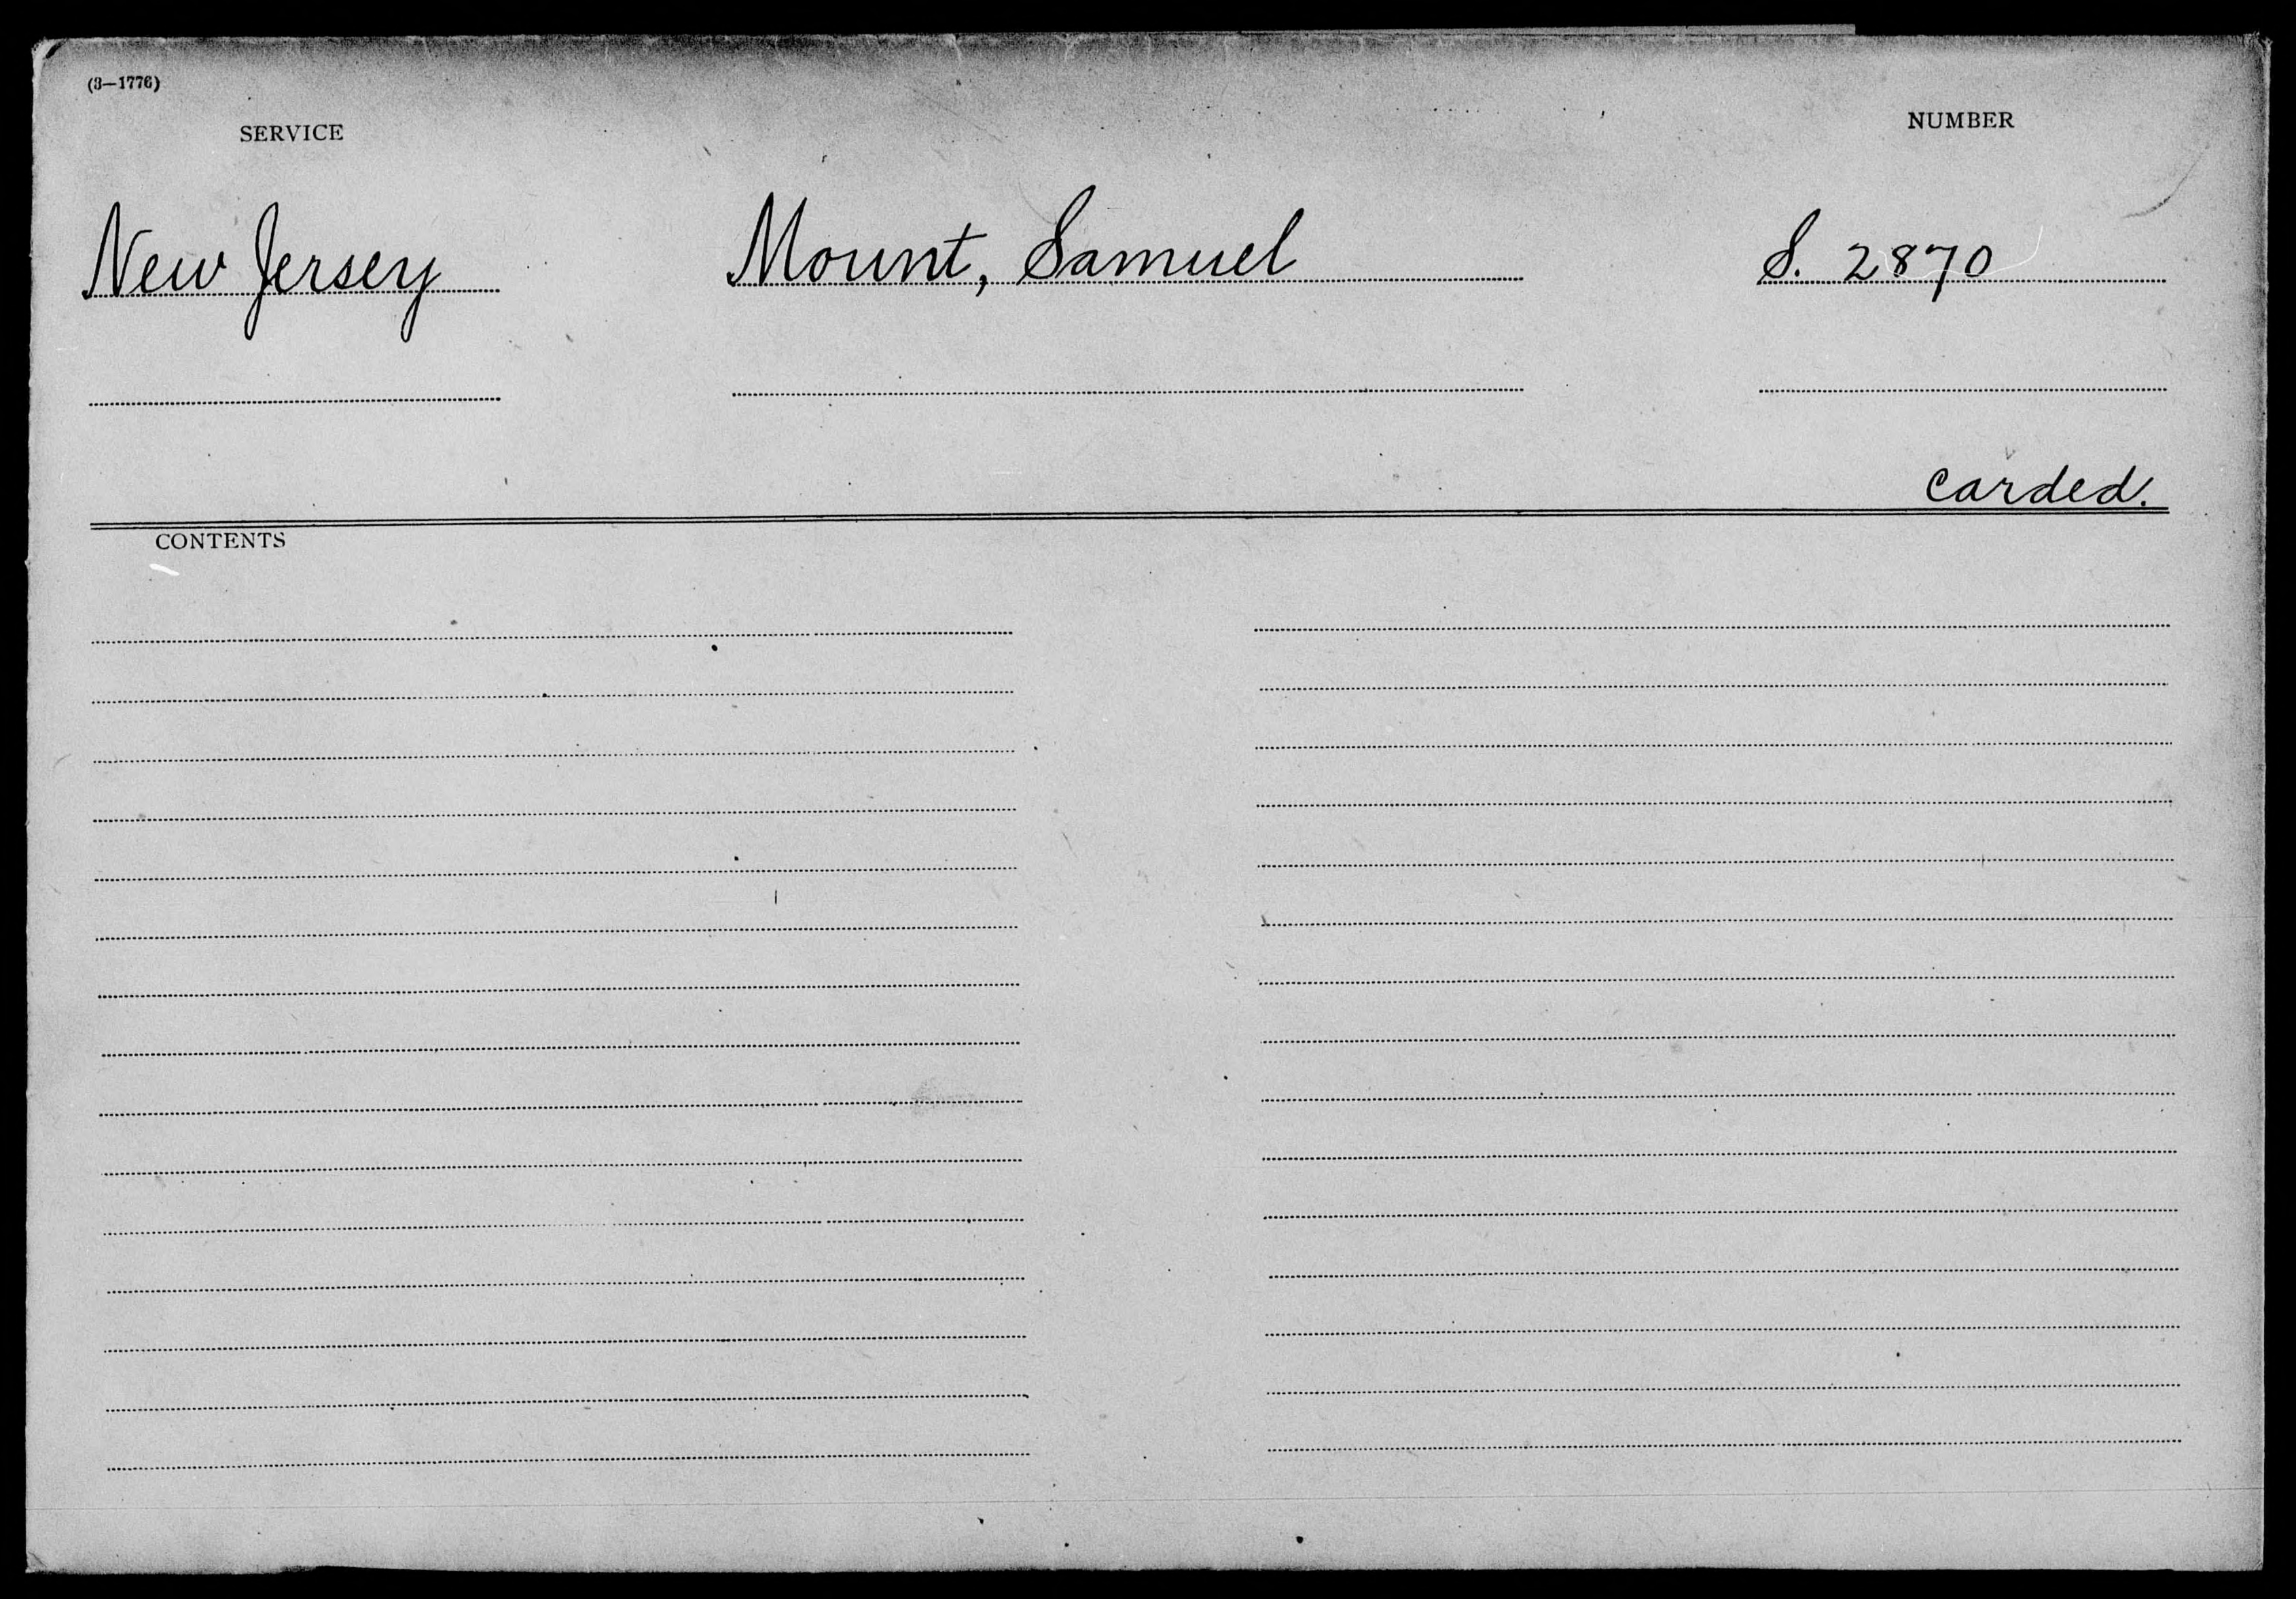SERVICE
New Jersey

CONTENTS
Mount, Samuel
NUMBER

S. 2870

carded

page: 1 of 20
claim: survivor's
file: S. 2870, for Samuel Mount, New Jersey